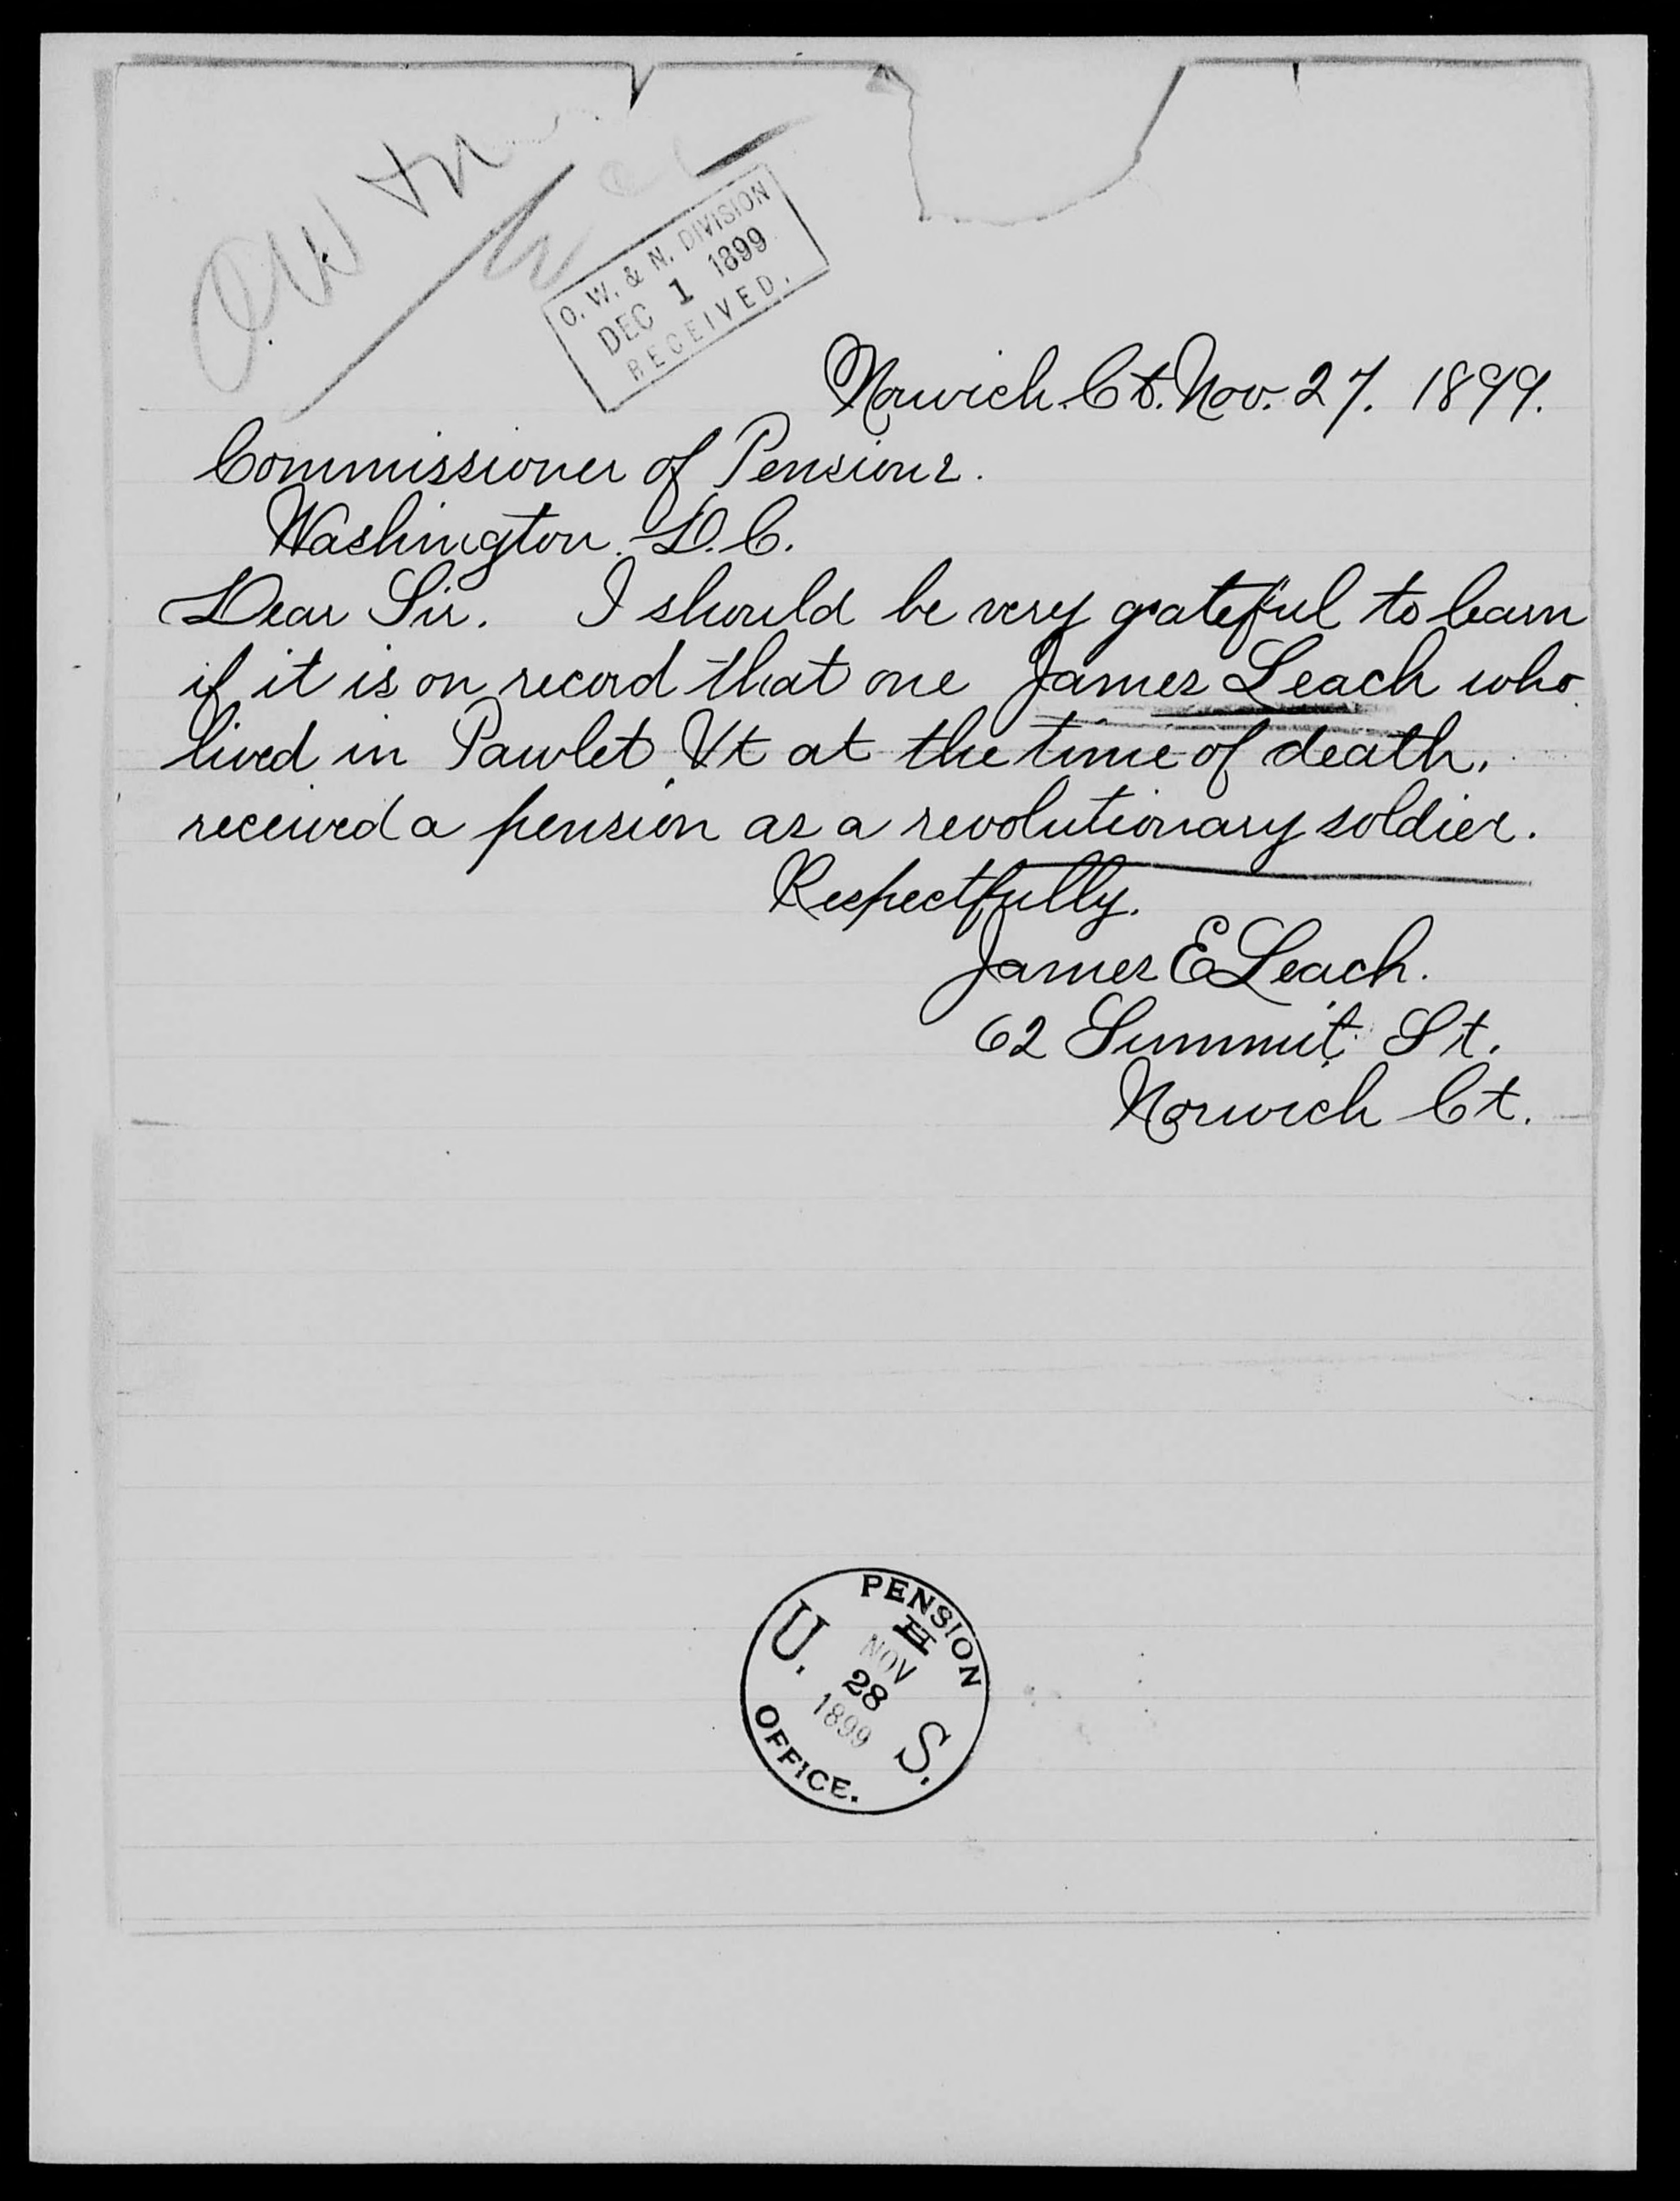O W & n
[stamp] O. W. & N. DIVISION DEC 1 1899 RECEIVED


Norwich Ct. Nov. 27, 1899.
Commissioner of Pension
Washington D.C.
Dear Sir.
I should be very grateful to learn 
if it is on record that one James Leach who
lived in Pawlet Vt at the time of death.
received a pension as a revolutionary soldier.
Respectfully,
James E. Leach
62 Summit St.
Norwich Ct.

[stamp] PENSION U.S. OFFICE. H NOV 28 1899PES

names: James Leach; James E Leach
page: 27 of 27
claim: widow's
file: W. 24,500, for James Leach, Connecticut